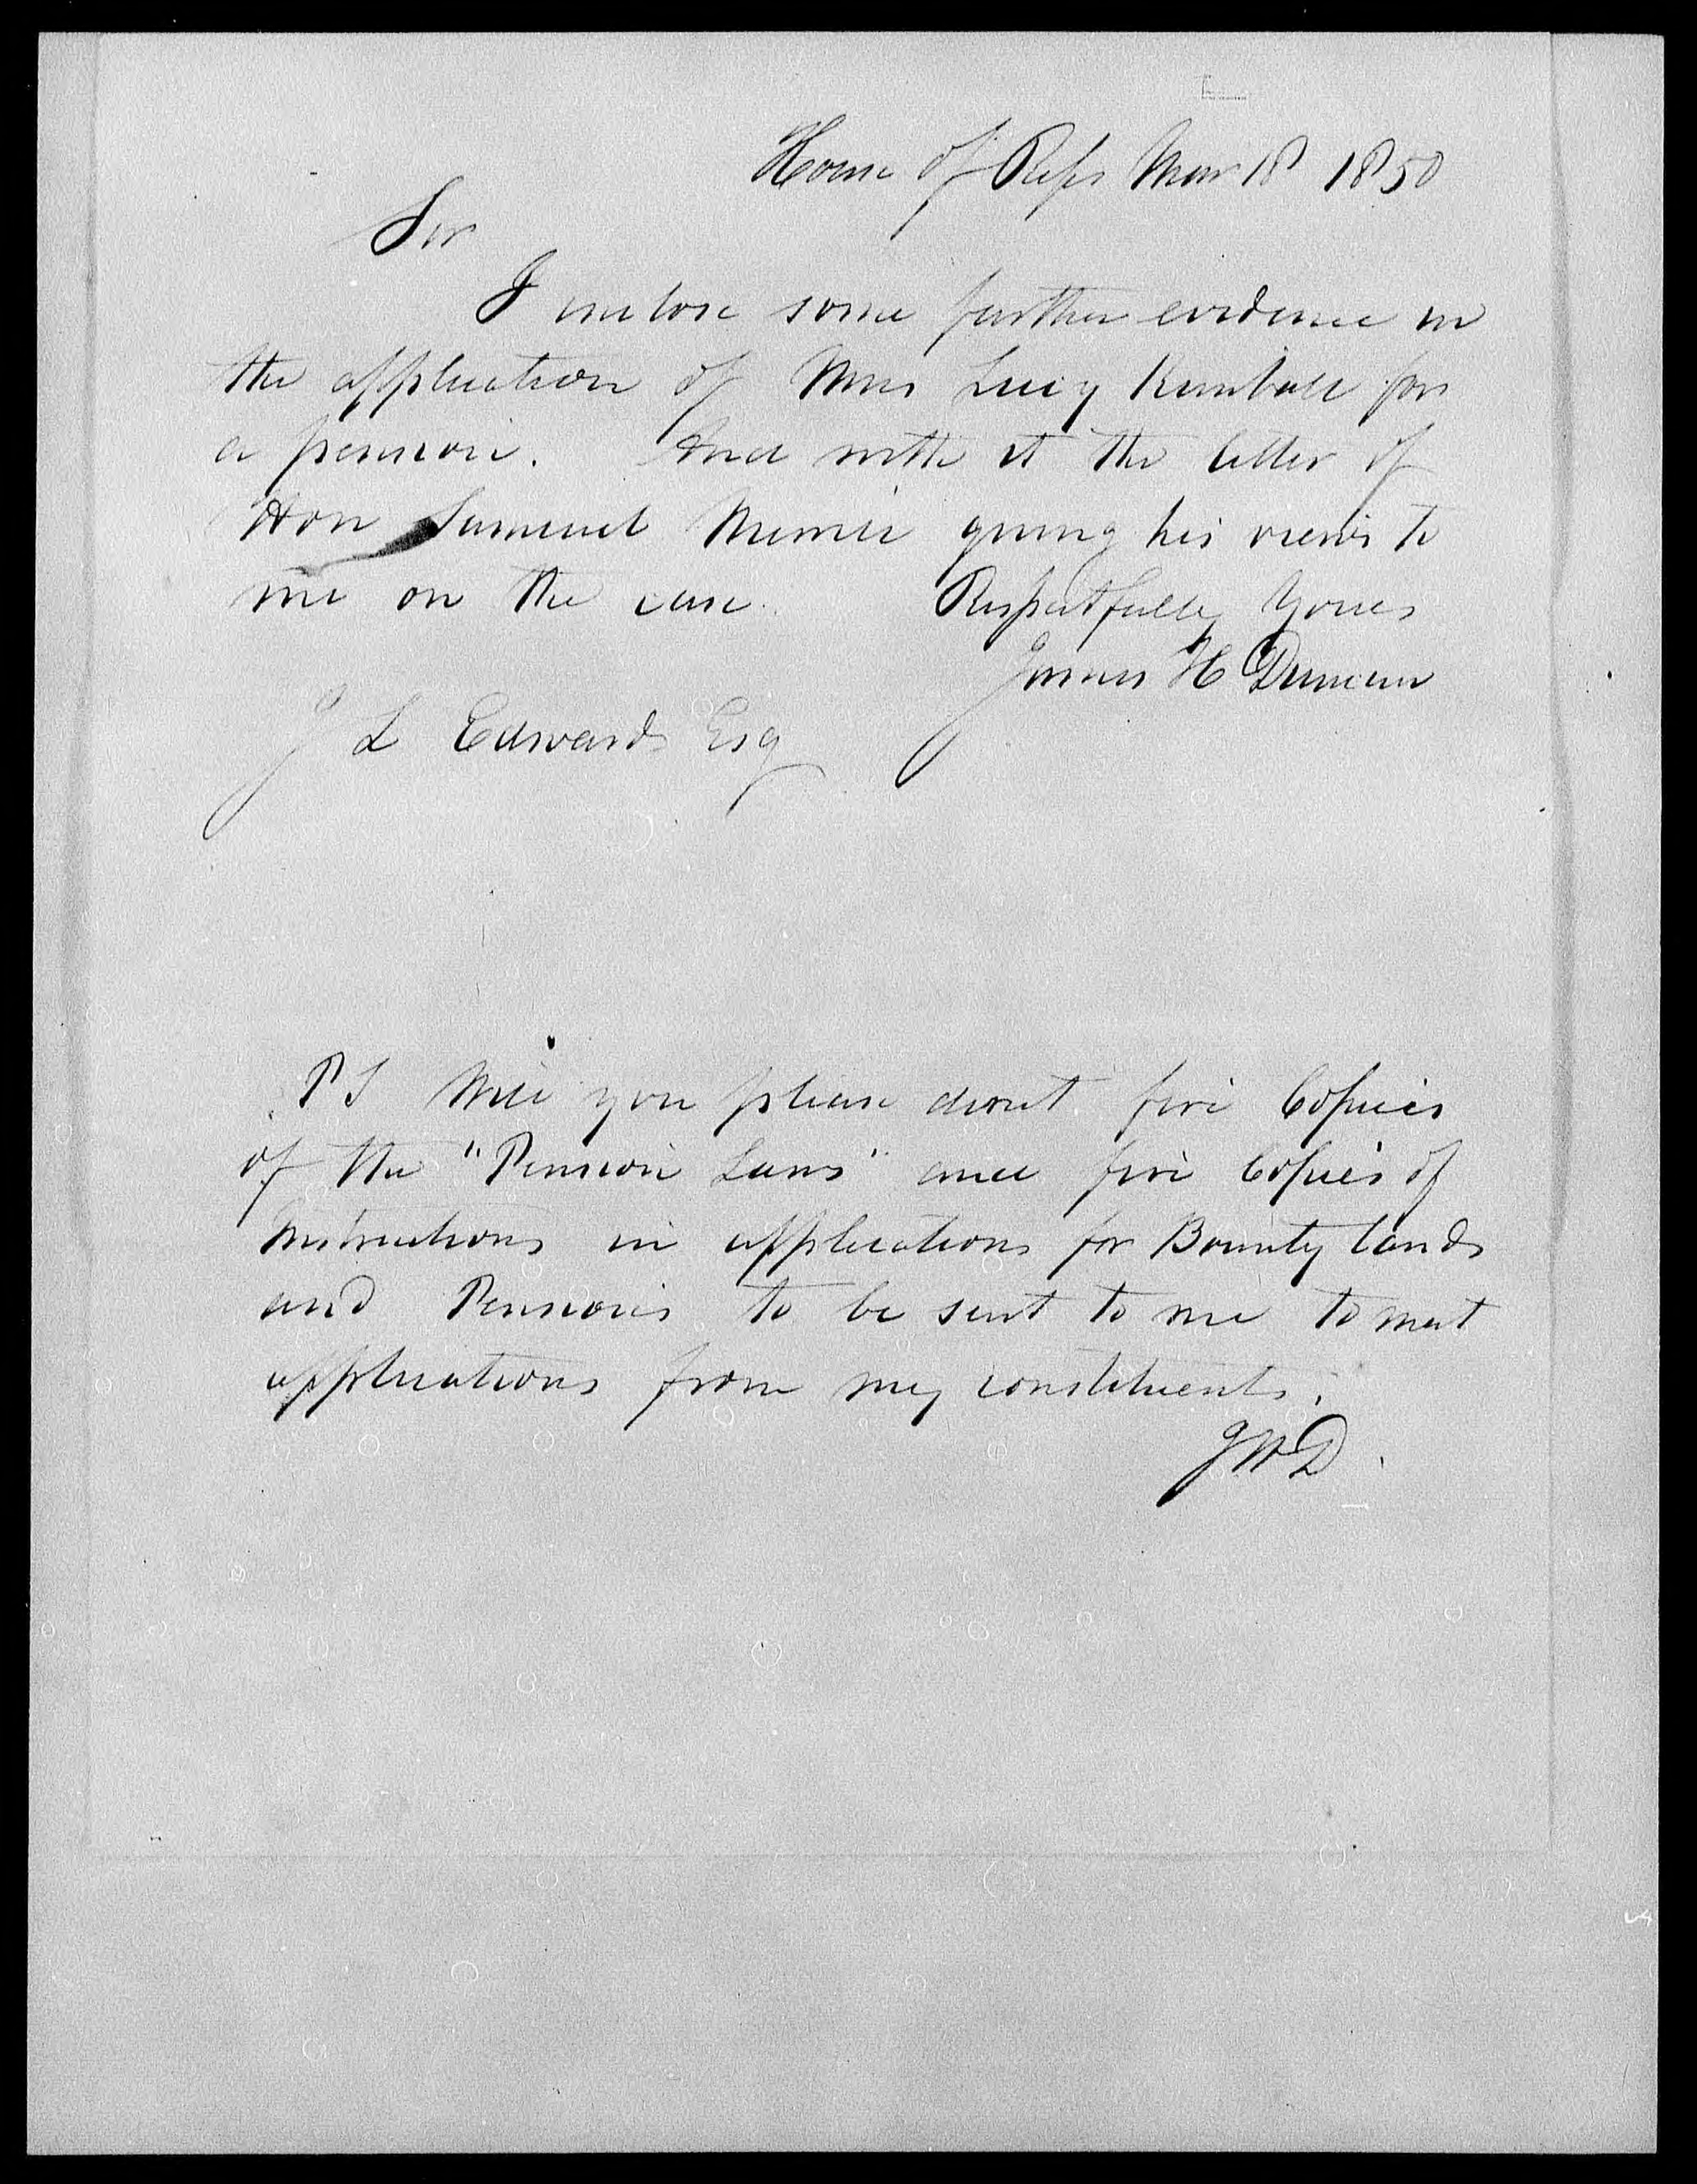House of Reps Mar 18 1850
Sir
I inclose some further evidence in the application of Mrs Lucy Kimball for a pension. And with it the letter of Hon Samuel Merrill giving his verdict to me on the case. 
Respectfully yours
James H Duncan
J L Edwards Esq

PS Will you please direct five copies of the "Pension Laws" and five copies of instructions in applications for Bounty Land and Pensions to be sent to me to [illegible] applications from my constituents
JHD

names: Lucy Kimball; James H Duncan; Samuiel Merrill; J L Edwards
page: 22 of 29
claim: widow's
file: W. 1779, for Richard Kimball, Massachusetts